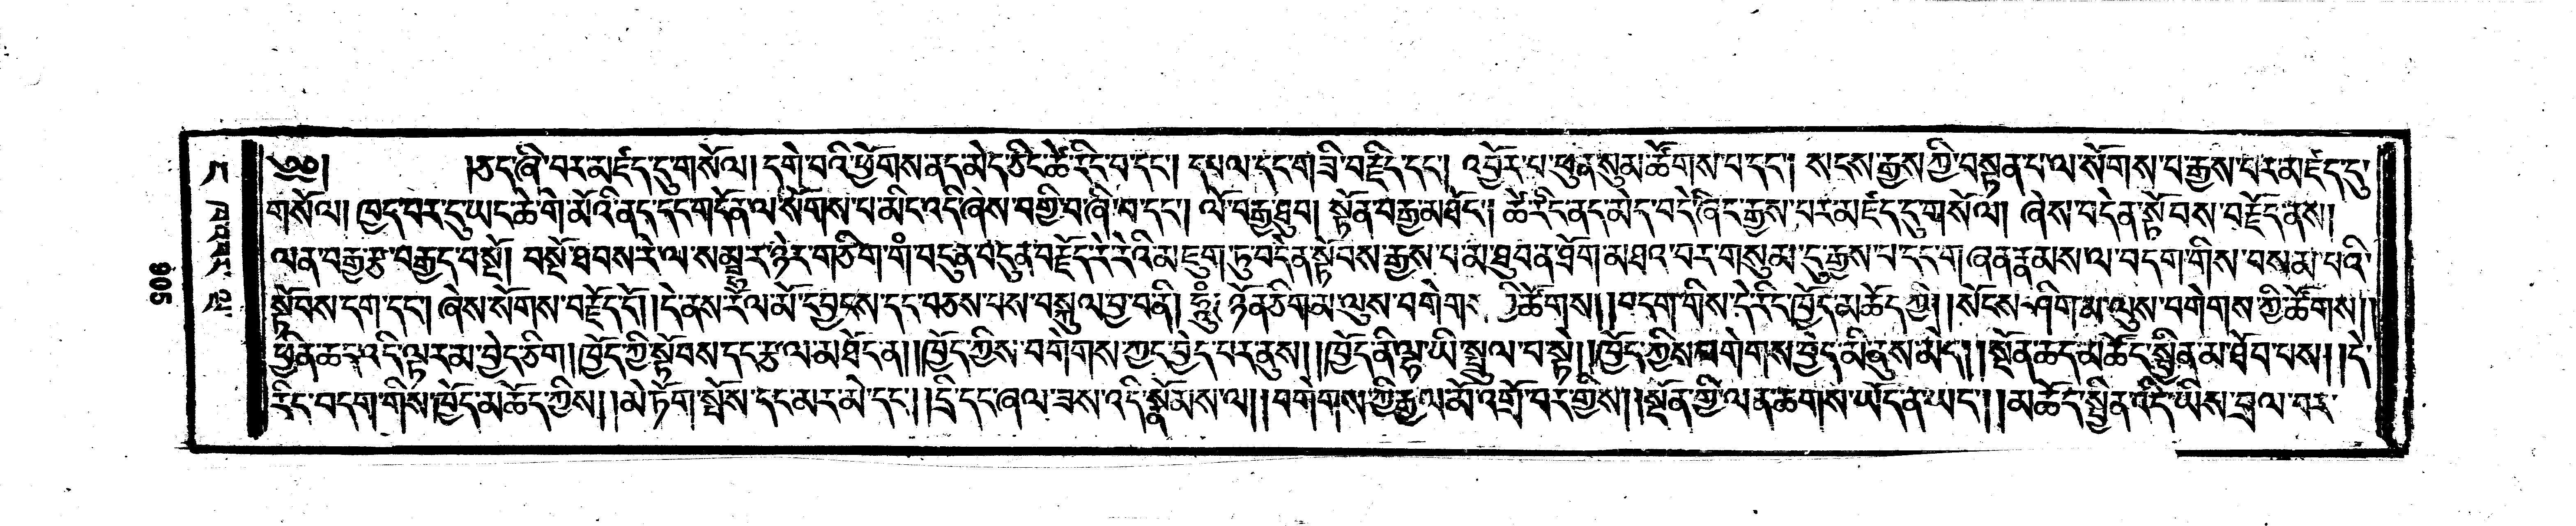༄༅། །ཅད་ཞི་བར་མཛད་དུ་གསོལ། དགེ་བའི་ཕྱོགས་ནད་མེད་ཅིང་ཚེ་རིང་བ་དང་། དཔལ་དང་གཟི་བརྗིད་དང་། འབྱོར་པ་ཕུན་སུམ་ཚོགས་པ་དང་། སངས་རྒྱས་ཀྱི་བསྟན་པ་ལ་སོགས་པ་རྒྱས་པར་མཛད་དུ་
གསོལ། ཁྱད་པར་དུ་ཡང་ཆེ་གེ་མོའི་ནད་དང་གདོན་ལ་སོགས་པ་མིང་འདི་ཞེས་བགྱི་བ་ཞི་བ་དང་། ལོ་བརྒྱ་ཐུབ། སྟོན་བརྒྱ་མཐོང་། ཚེ་རིང་ནད་མེད་བདེ་ཞིང་རྒྱས་པར་མཛད་དུ་གསོལ། ཞེས་བདེན་སྟོབས་བརྗོད་ནས།
ལན་བརྒྱ་རྩ་བརྒྱད་བསྔོ། བསྔོ་ཐབས་རེ་ལ་སམྦྷ་ར་ཉེར་གཅིག་གཾ་བདུན་བདུན་བརྗོད་རེ་རེའི་མཇུག་ཏུ་བདེན་སྟོབས་རྒྱས་པ་མ་ཐུབ་ན་ཐོག་མཐའ་བར་གསུམ་དུ་རྒྱས་པ་དང་གཞན་རྣམས་ལ་བདག་གིས་བསམ་པའི་
སྟོབས་དག་དང་། ཞེས་སོགས་བརྗོད་དོ། །དེ་ནས་རོལ་མོ་དབྱངས་དང་བཅས་པས་བསྐུལ་བྱ་བ་ནི། ཧཱུཾ༑ ཉོན་ཅིག་མ་ལུས་བགེགས་ཀྱི་ཚོགས། །བདག་གིས་དེ་རིང་ཁྱོད་མཆོད་ཀྱི། །སོངས་ཤིག་མ་ལུས་བགེགས་ཀྱི་ཚོགས།།
ཕྱིན་ཆད་འདི་ལྟར་མ་བྱེད་ཅིག །ཁྱོད་ཀྱི་སྟོབས་དང་རྩལ་མཐོང་ན། །ཁྱོད་ཀྱིས་བགེགས་ཀྱང་བྱེད་པར་ནུས། །ཁྱོད་ནི་ལྷ་ཡི་སྤྲུལ་པ་སྟེ། །ཁྱོད་ཀྱིས་བགེགས་བྱེད་མི་ནུས་མེད། །སྔོན་ཆད་མཆོད་སྦྱིན་མ་ཐོབ་པས། །དེ་
རིང་བདག་གིས་ཁྱོད་མཆོད་ཀྱིས། །མེ་ཏོག་སྤོས་དང་མར་མེ་དང་། །དྲི་དང་ཞལ་ཟས་འདི་སྣོམས་ལ། །བགེགས་ཀྱི་རྒྱལ་མོ་འགྲོ་བར་གྱིས། །སྔོན་གྱི་ལན་ཆགས་ཡོད་ན་ཡང་། །མཆོད་སྦྱིན་འདེ་ཡིས་གྲལ་བར་